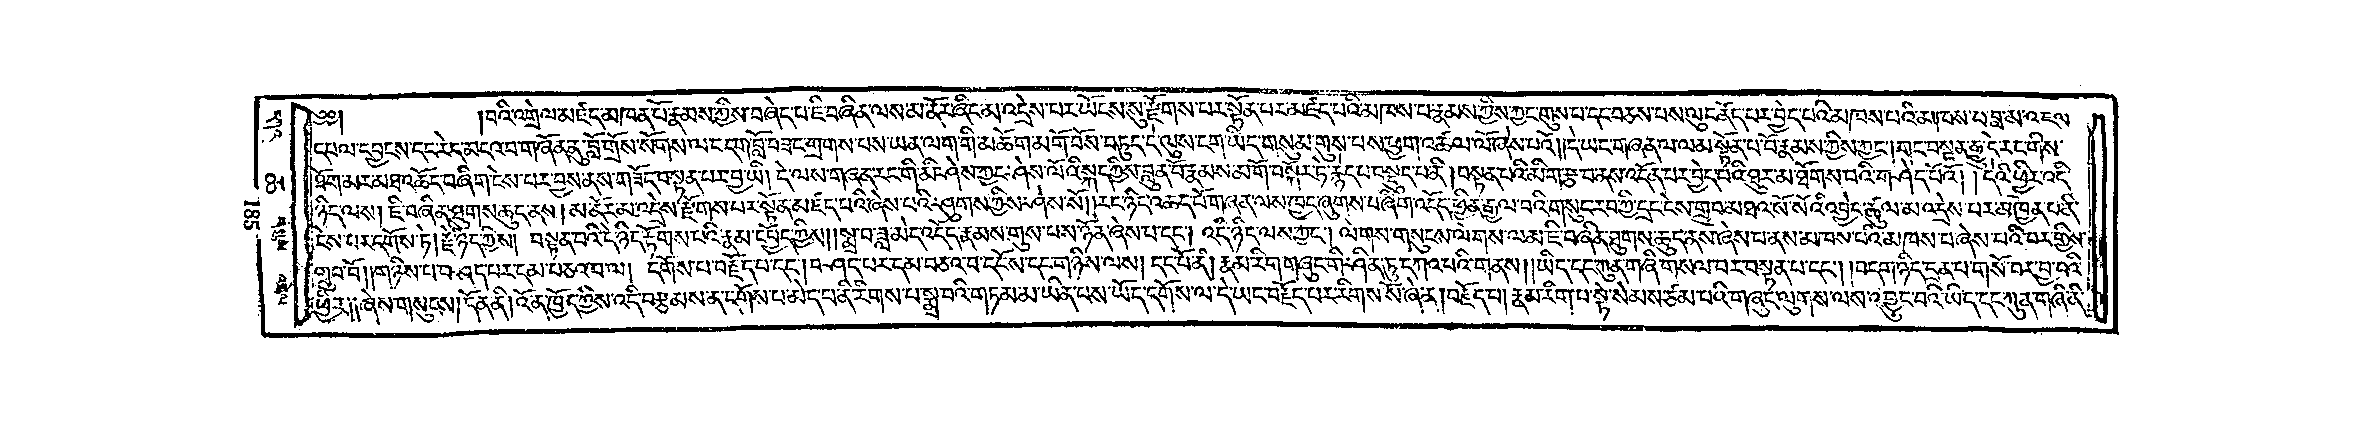༄༅། །བའི་འགྲེལ་མཛད་མཁན་པོ་རྣམས་ཀྱིས་བཞེད་པ་ཇི་བཞིན་ལས་མ་ནོར་ཞིང་མ་འདྲེས་པར་ཡོངས་སུ་རྫོགས་པར་སྟོན་པར་མཛད་པའི་མཁས་པ་རྣམས་ཀྱིས་ཀྱང་གུས་པ་དང་བཅས་པས་ལུང་ནོད་པར་བྱེད་པའི་མཁས་པའི་མཁས་པ་བླ་མ་འཇལ་
དཔལ་དབྱངས་དང་རེད་མདའ་བ་གཞོན་ནུ་བློ་གྲོས་སོགས་ལ་བདག་བློ་བཟང་གྲགས་པས་ཡན་ལག་གི་མཆོག་མགོ་བོས་བཏུད་དེ་ལུས་ངག་ཡིད་གསུམ་གུས་པས་ཕྱག་འཚལ་ལོ་ཞེས་པའོ། །དེ་ཡང་གཞན་ལ་ལམ་སྟོན་པ་པོ་རྣམས་ཀྱིས་ཀྱང་། གང་བསྟན་རྒྱུ་དེ་རང་གིས་
ཐོག་མར་མཐའ་ཆོད་བཞིག་ངེས་པར་བྱས་ནས་གཟོད་བསྟན་པར་བྱ་ཡི། དེ་ལས་གཞན་རང་གི་མི་ཤེས་ཀྱང་ཤེས་ལོའི་སྐད་ཀྱིས་བླུན་པོ་རྣམས་མགོ་བསྐོར་ཏེ་རྙེད་པ་བསྡུད་པ་ནི། བསྟན་པའི་མིག་རྩ་བ་ནས་འདོན་པར་བྱེད་པའི་ཐུར་མ་ཐོགས་པའི་གཤེད་པའོ། །དེའི་ཕྱིར་འདི་
ཉིད་ལས། ཇི་བཞིན་ཐུགས་ཆུད་ནས། མ་ནོར་མ་འདྲེས་རྫོགས་པར་སྟོན་མཛད་པའི་ཞེས་པའི་ཤུགས་ཀྱིས་ཤེས་སོ། །རང་ཉིད་འཆད་པོ་གཞན་ལས་ཁྱད་ཞུགས་པ་ཞིག་འདོད་ཕྱིན་རྒྱལ་བའི་གསུང་རབ་ཀྱི་དྲང་ངེས་གྲུབ་མཐའ་སོ་སོའི་འབྱེད་ཚུལ་མ་འདྲེས་པར་མཁྱེན་པ་ནི་
ངེས་པར་དགོས་ཏེ། རྗེ་ཉིད་ཀྱིས། བསྟན་པའི་དེ་ཉིད་རྟོགས་པའི་རྣམ་དཔྱོད་ཀྱིས། །སྨྲ་བ་ཟླ་མེད་འདོད་རྣམས་གུས་པས་ཉོན་ཞེས་པ་དང་། འདི་ཉིད་ལས་ཀྱང་། ལེགས་གསུངས་ལེགས་ལམ་ཇི་བཞིན་ཐུགས་ཆུད་ནས་ཞེས་པ་ནས་མཁས་པའི་མཁས་པ་ཞེས་པའི་བར་གྱིས་
གྲུབ་བོ། །གཉིས་པ་བཤད་པར་དམ་བཅའ་བ་ལ། དགོས་པ་བརྗོད་པ་དང་། བཤད་པར་དམ་བཅའ་བ་དངོས་དང་གཉིས་ལས། དང་པོ་ནི། རྣམ་རིག་གཞུང་གི་ཤིན་ཏུ་དཀའ་བའི་གནས། །ཡིད་དང་ཀུན་གཞི་གསལ་བར་བསྟན་པ་དང་། །བདག་ཉིད་དྲན་པ་གསོ་བར་བྱ་བའི་
ཕྱིར། །ཞེས་གསུངས། དོན་ནི། འོ་ན་ཁྱོད་ཀྱིས་འདི་བརྩམས་ན་དགོས་པ་མེད་པ་ནི་རིགས་པ་སྨྲ་བའི་གཏམ་མ་ཡིན་པས་ཡོད་དགོས་ལ་དེ་ཡང་བརྗོད་པར་རིགས་སོ་ཞེན། བརྗོད་པ། རྣམ་རིག་པ་སྟེ་སེམས་ཙམ་པའི་གཞུང་ལུགས་ལས་འབྱུང་བའི་ཡིད་དང་ཀུན་གཞིའི་